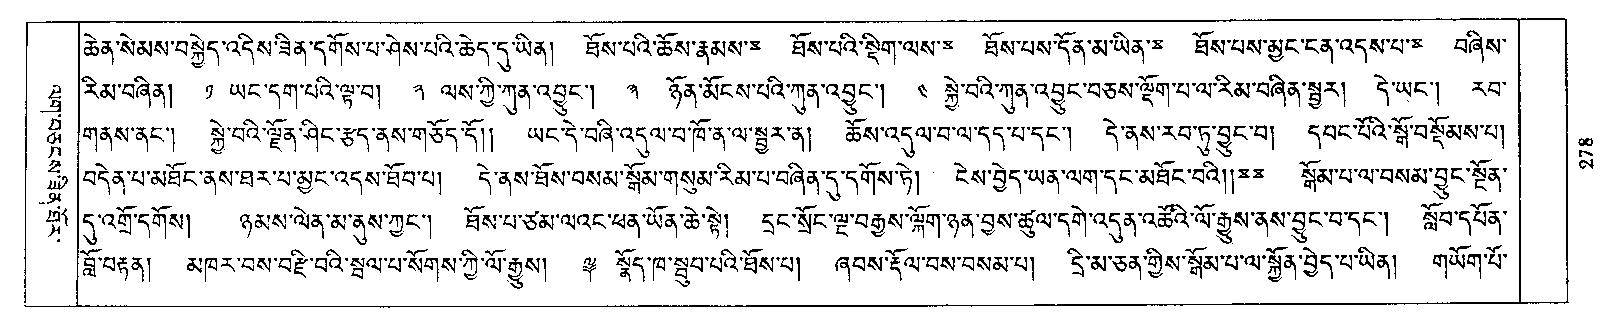ཆེན་སེམས་བསྐྱེད་འདིས་ཟིན་དགོས་པ་ཤེས་པའི་ཆེད་དུ་ཡིན། ཐོས་པའི་ཆོས་རྣམས་྾་ཐོས་པའི་སྡིག་ལས་྾་ཐོས་པས་དོན་མ་ཡིན་྾་ཐོས་པས་མྱང་ངན་འདས་པ་྾་བཞིས་
རིམ་བཞིན། ༡་ཡང་དག་པའི་ལྟ་བ། ༢་ལས་ཀྱི་ཀུན་འབྱུང་། ༣་ཉོན་མོངས་པའི་ཀུན་འབྱུང་། ༤་སྐྱེ་བའི་ཀུན་འབྱུང་བཅས་ལྡོག་པ་ལ་རིམ་བཞིན་སྦྱར། དེ་ཡང་། རབ་
གནས་ནང་། སྐྱེ་བའི་ལྗོན་ཤིང་རྩད་ནས་གཅོད་དོ།། ཡང་དེ་བཞིན་འདུལ་བ་ཁོ་ན་ལ་སྦྱར་ན། ཆོས་འདུལ་བ་ལ་དད་པ་དང་། དེ་ནས་རབ་ཏུ་བྱུང་བ། དབང་པོའི་སྒོ་བསྡོམས་པ།
བདེན་པ་མཐོང་ནས་ཐར་པ་མྱང་འདས་ཐོབ་པ། དེ་ནས་ཐོས་བསམ་སྒོམ་གསུམ་རིམ་པ་བཞིན་དུ་དགོས་ཏེ། ངེས་བྱེད་ཡན་ལག་དང་མཐོང་བའི།། ྾་྾་སྒོམ་པ་ལ་བསམ་བྱུང་སྔོན་
དུ་འགྲོ་དགོས། ཉམས་ལེན་མ་ནུས་ཀྱང་། ཐོས་པ་ཙམ་ལའང་ཕན་ཡོན་ཆེ་སྟེ། དྲང་སྲོང་ལྔ་བརྒྱས་ལྐོག་ཉན་བྱས་ཚུལ་དགེ་འདུན་འཚོའི་ལོ་རྒྱུས་ནས་བྱུང་བ་དང་། སློབ་དཔོན་
བློ་བརྟན། མཁར་བས་བརྫི་བའི་སྦལ་པ་སོགས་ཀྱི་ལོ་རྒྱུས། ༈ སྣོད་ཁ་སྦུབ་པའི་ཐོས་པ། ཞབས་རྡོལ་བས་བསམ་པ། དྲི་མ་ཅན་གྱིས་སྒོམ་པ་ལ་སྐྱོན་བྱེད་པ་ཡིན། གཡོག་པོ་